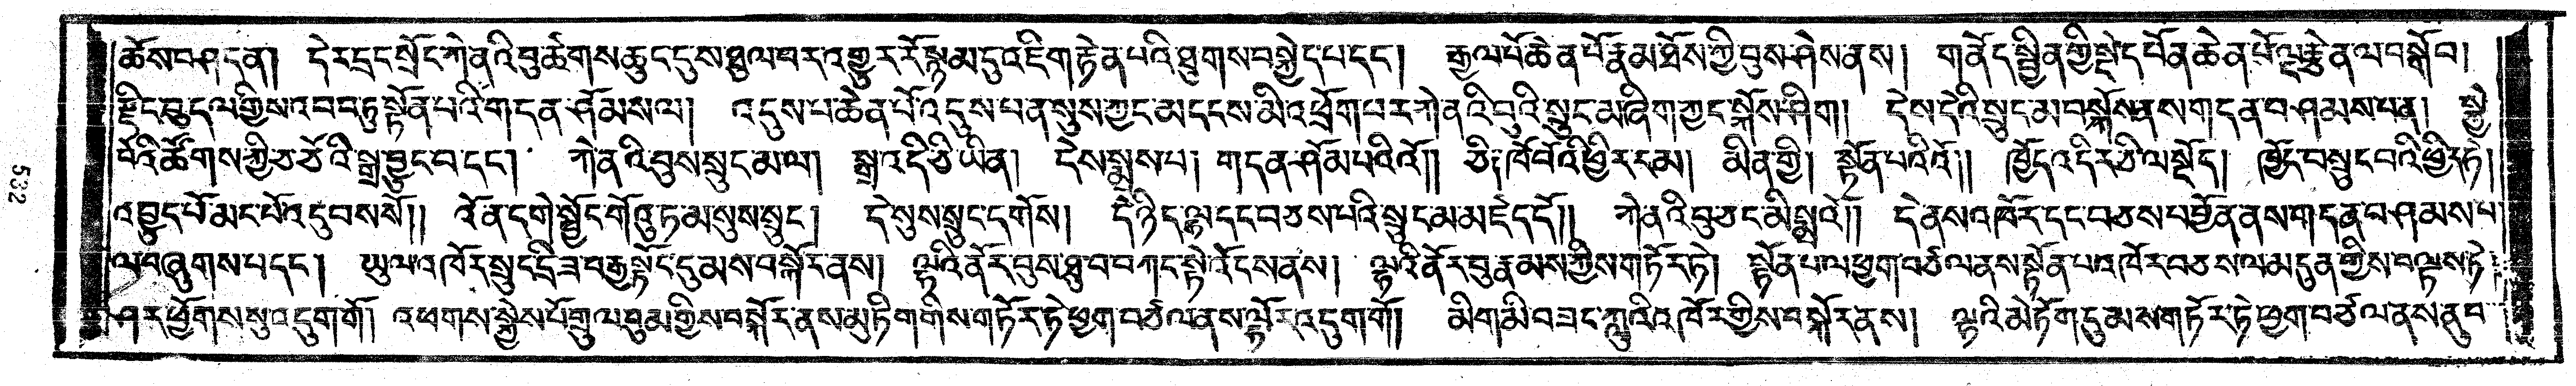ཆོས་བཤད་ན། དེར་དྲང་སྲོང་ཀེ་ནའི་བུ་ཚགས་ཆུང་དུ་ས་ཐུལ་བར་འགྱུར་རོ་སྙམ་དུ་འཇིག་རྟེན་པའི་ཐུགས་བསྐྱེད་པ་དང་། རྒྱལ་པོ་ཆེན་པོ་རྣམ་ཐོས་ཀྱི་བུས་ཤེས་ནས། གནོད་སྦྱིན་གྱི་སྡེ་དཔོན་ཆེན་པོ་ལྔ་རྩེན་ལ་བསྒོབ།
རྫིང་བུ་དལ་གྱིས་འབབ་ཏུ་སྟོན་པའི་གདན་ཤོམས་ལ། འདུས་པ་ཆེན་པོ་འདུས་པ་ན་སུས་ཀྱང་མདངས་མི་འཕྲོག་པར་ཀེ་ནའི་བུའི་སྲུང་མ་ཞིག་ཀྱང་སྐོས་ཤིག། དེས་དེའི་སྲུང་མ་བསྐོས་ནས་གདན་བཤམས་པ་ན། སྐྱེ་
བོའི་ཚོགས་ཀྱི་ཅ་ཅོའི་སྒྲ་བྱུང་བ་དང་། ཀེ་ནའི་བུས་སྲུང་མ་ལ། སྒྲ་འདི་ཅི་ཡིན། དེས་སྨྲས་པ། གདན་ཤོམ་པའིའོ།། ཅི༑ ཁོ་བོའི་ཕྱིར་ངམ། མིན་གྱི། སྟོན་པའིའོ།། ཁྱོད་འདིར་ཅི་ལ་སྡོད། ཁྱོད་བསྲུང་བའི་ཕྱིར་ཏེ།
འབྱུང་པོ་མང་པོ་འདུབས་སོ།། འོ་ན་དགེ་སྦྱོང་གོའུ་ཏ་མ་སུས་སྲུང་། དེ་སུས་སྲུང་དགོས། དེ་ཉིད་ལྷ་དང་བཅས་པའི་སྲུང་མ་མཛད་དོ།། ཀེ་ནའི་བུ་ཅང་མི་སྨྲའོ།། དེ་ནས་འཁོར་དང་བཅས་པ་བྱོན་ནས་གདན་བཤམས་པ་
ལ་བཞུགས་པ་དང་། ཡུལ་འཁོར་སྲུང་དྲི་ཟ་བརྒྱ་སྟོང་དུ་མས་བསྐོར་ནས། ལྷའི་ནོར་བུས་ཐུ་བ་བཀང་སྟེ་འོངས་ནས། ལྷའི་ནོར་བུ་རྣམས་ཀྱིས་གཏོར་ཏེ། སྟོན་པ་ལ་ཕྱག་བཙལ་ནས་སྟོན་པ་འཁོར་བཅས་ལ་མདུན་གྱིས་བལྟས་ཏེ།
ཤར་ཕྱོགས་སུ་འདུག་གོ། འཕགས་སྐྱེས་པོ་གྲུལ་བུམ་གྱིས་བསྐོར་ནས་མུ་ཏིག་གིས་གཏོར་ཏེ་ཕྱག་བཙལ་ནས་ལྷོར་འདུག་གོ། མིག་མི་བཟང་ཀླུའི་འཁོར་གྱིས་བསྐོར་ནས། ལྷའི་མེ་ཏོག་དུ་མས་གཏོར་ཏེ་ཕྱག་བཙལ་ནས་ནུབ་